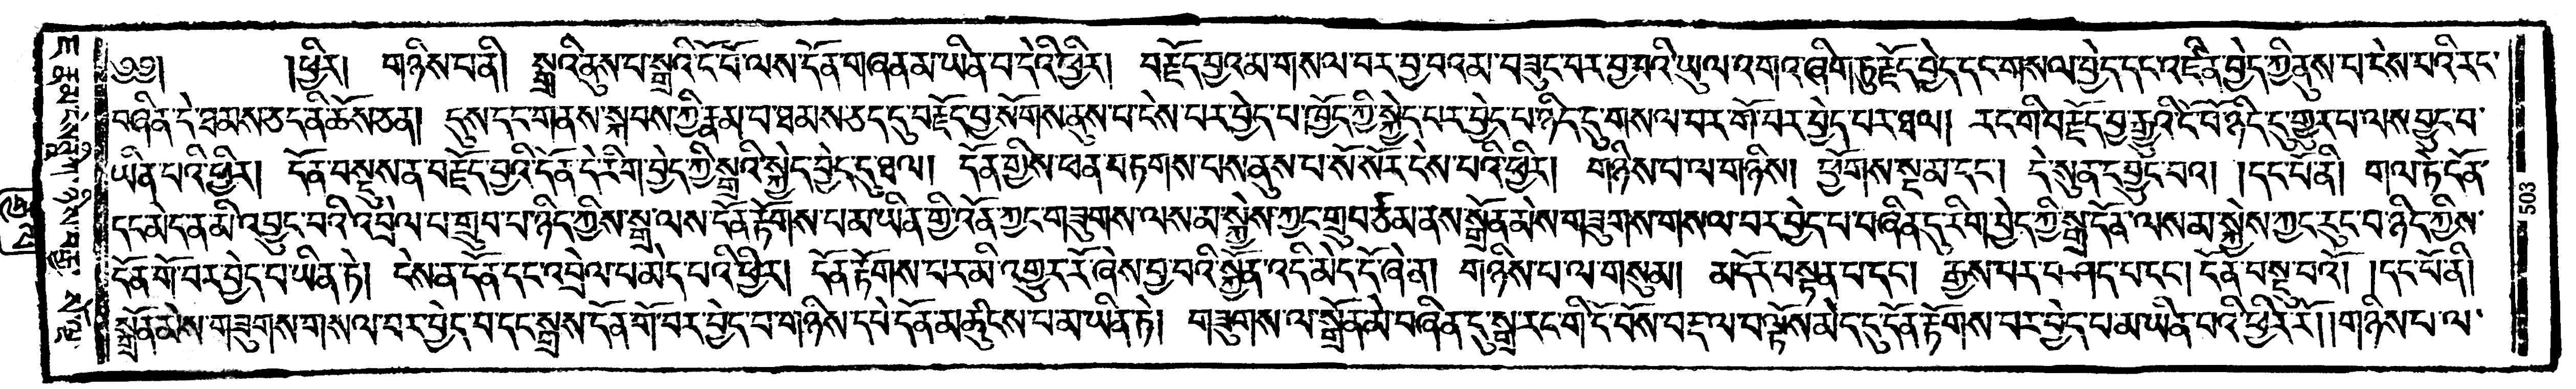༄༅། །ཕྱིར། གཉིས་པ་ནི། སྒྲའི་ནུས་པ་སྒྲའི་ངོ་བོ་ལས་དོན་གཞན་མ་ཡིན་པ་དེའི་ཕྱིར། བརྗོད་བྱའམ་གསལ་བར་བྱ་བའམ་བཟུང་བར་བྱ་བའི་ཡུལ་འགའ་ཞིག་ཏུ་རྗོད་བྱེད་དང་གསལ་བྱེད་དང་འཛིན་བྱེད་ཀྱི་ནུས་པ་ངེས་པའི་རང་
བཞིན་དེ་ཐམས་ཅད་ནི་ཆོས་ཅན། དུས་དང་གནས་སྐབས་ཀྱི་རྣམ་པ་ཐམས་ཅད་དུ་བརྗོད་བྱ་སོགས་ནུས་པ་ངེས་པར་བྱེད་པ་ཁྱོད་ཀྱི་སྐྱེད་པར་བྱེད་པ་ཉིད་དུ་གསལ་བར་གོ་བར་བྱེད་པར་ཐལ། རང་གི་བརྗོད་བྱ་རྒྱུའི་ངོ་བོ་ཉིད་དུ་གྱུར་པ་ལས་བྱུང་བ་
ཡིན་པའི་ཕྱིར། དོན་བསྡུས་ན་བརྗོད་བྱའི་དོན་དེ་རིག་བྱེད་ཀྱི་སྒྲའི་སྐྱེད་བྱེད་དུ་ཐལ། དོན་གྱིས་ཕན་བཏགས་པས་ནུས་པ་སོ་སོར་ངེས་པའི་ཕྱིར། གཉིས་པ་ལ་གཉིས། ཕྱོགས་སྔ་མ་དང་། དེ་སུན་དབྱུང་བའོ། །དང་པོ་ནི། གལ་ཏེ་དོན་
དང་མེད་ན་མི་འབྱུང་བའི་འབྲེལ་པ་གྲུབ་པ་ཉིད་ཀྱིས་སྒྲ་ལས་དོན་རྟོགས་པ་མ་ཡིན་གྱི་འོན་ཀྱང་གཟུགས་ལས་མ་སྐྱེས་ཀྱང་གྲུབ་ཙམ་ནས་སྒྲོན་མེས་གཟུགས་གསལ་བར་བྱེད་པ་བཞིན་དུ་རིག་བྱེད་ཀྱི་སྒྲ་དོན་ལས་མ་སྐྱེས་ཀྱང་རུང་བ་ཉིད་ཀྱིས་
དོན་གོ་བར་བྱེད་པ་ཡིན་ཏེ། ངེས་ན་དོན་དང་འབྲེལ་པ་མེད་པའི་ཕྱིར། དོན་རྟོགས་པར་མི་འགྱུར་རོ་ཞེས་བྱ་བའི་སྐྱོན་འདི་མེད་དོ་ཞེ་ན། གཉིས་པ་ལ་གསུམ། མདོར་བསྟན་པ་དང་། རྒྱས་པར་བཤད་པ་དང་། དོན་བསྡུ་བའོ། །དང་པོ་ནི།
སྒྲོན་མེས་གཟུགས་གསལ་བར་བྱེད་པ་དང་སྒྲས་དོན་གོ་བར་བྱེད་པ་གཉིས་དཔེ་དོན་མཚུངས་པ་མ་ཡིན་ཏེ། གཟུགས་ལ་སྒྲོན་མེ་བཞིན་དུ་སྒྲ་རང་གི་ངོ་བོས་བརྡ་ལ་བལྟོས་མེད་དུ་དོན་རྟོགས་པར་བྱེད་པ་མ་ཡིན་པའི་ཕྱིར་རོ། །གཉིས་པ་ལ་